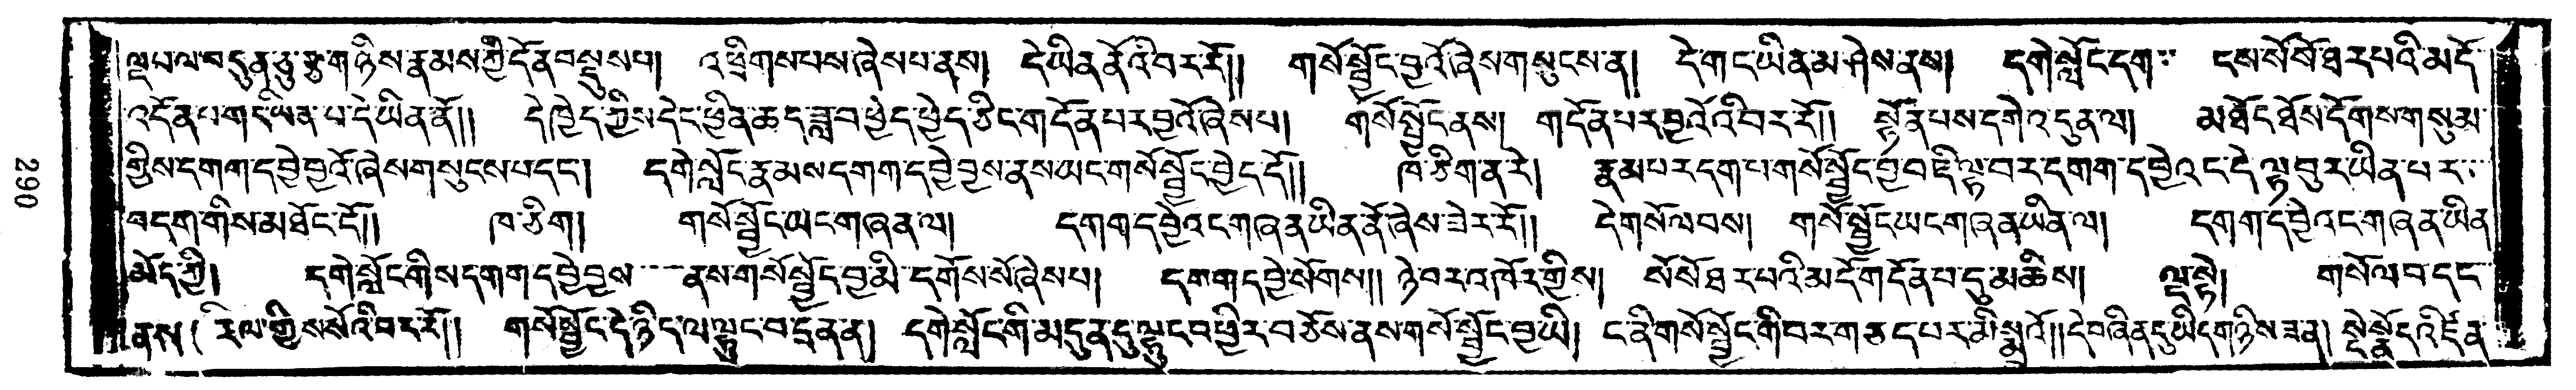ལྔ་པ་ལ་བདུན་ཅུ་རྩ་གཉིས་རྣམས་ཀྱི་དོན་བསྡུས་པ། འཕྲིགས་པས་ཞེས་པ་ནས། དེ་ཡིན་ནོའི་བར་རོ།། གསོ་སྦྱོང་བྱའོ་ཞེས་གསུངས་ན། དེ་གང་ཡིན་མ་ཤེས་ནས། དགེ་སློང་དག༑ ངས་སོ་སོ་ཐར་པའི་མདོ་
འདོན་པ་གང་ཡིན་པ་དེ་ཡིན་ནོ།། དེ་ཁྱེད་ཀྱིས་དེང་ཕྱིན་ཆད་ཟླ་བ་ཕྱེད་ཕྱེད་ཅིང་གདོན་པར་བྱའོ་ཞེས་པ། གསོ་སྦྱོང་ནས། གདོན་པར་བྱའོའི་བར་རོ།། སྟོན་པས་དགེ་འདུན་ལ། མཐོང་ཐོས་དོགས་གསུམ་
གྱིས་དགག་དབྱེ་བྱའོ་ཞེས་གསུངས་པ་དང་། དགེ་སློང་རྣམས་དགག་དབྱེ་བྱས་ནས་ཡང་གསོ་སྦྱོང་བྱེད་དོ།། ཁ་ཅིག་ན་རེ། རྣམ་པར་དག་པ་གསོ་སྦྱོང་བྱ་བ་ཇི་ལྟ་བར་དགག་དབྱེའང་དེ་ལྟ་བུར་ཡིན་པར་
བདག་གིས་མཐོང་ངོ།། ཁ་ཅིག། གསོ་སྦྱོང་ཡང་གཞན་ལ། དགག་དབྱེའང་གཞན་ཡིན་ནོ་ཞེས་ཟེར་རོ།། དེ་གསོལ་བས། གསོ་སྦྱོང་ཡང་གཞན་ཡིན་ལ། དགག་དབྱེའང་གཞན་ཡིན་
མོད་ཀྱི། དགེ་སློང་གིས་དགག་དབྱེ་བྱས་ནས་གསོ་སྦྱོང་བྱ་མི་དགོས་སོ་ཞེས་པ། དགག་དབྱེ་སོགས།། ཉེ་བར་འཁོར་གྱིས། སོ་སོ་ཐར་པའི་མདོ་གདོན་པ་དུ་མཆིས། ལྔ་སྟེ། གསོལ་བ་དང་
ནས༑ རིལ་གྱིས་སོའི་བར་རོ།། གསོ་སྦྱོང་དེ་ཉིད་ལ་ལྟུང་བ་དྲན་ན། དགེ་སློང་གི་མདུན་དུ་ལྟུང་བ་ཕྱིར་བཅོས་ནས་གསོ་སྦྱོང་བྱ་ཡིན། ང་ནི་གསོ་སྦྱོང་གི་བར་གཅད་པར་མི་སྨྲའོ། །དེ་བཞིན་དུ་ཡིད་གཉིས་ཟ་ན། སྡེ་སྣོད་འཛིན་